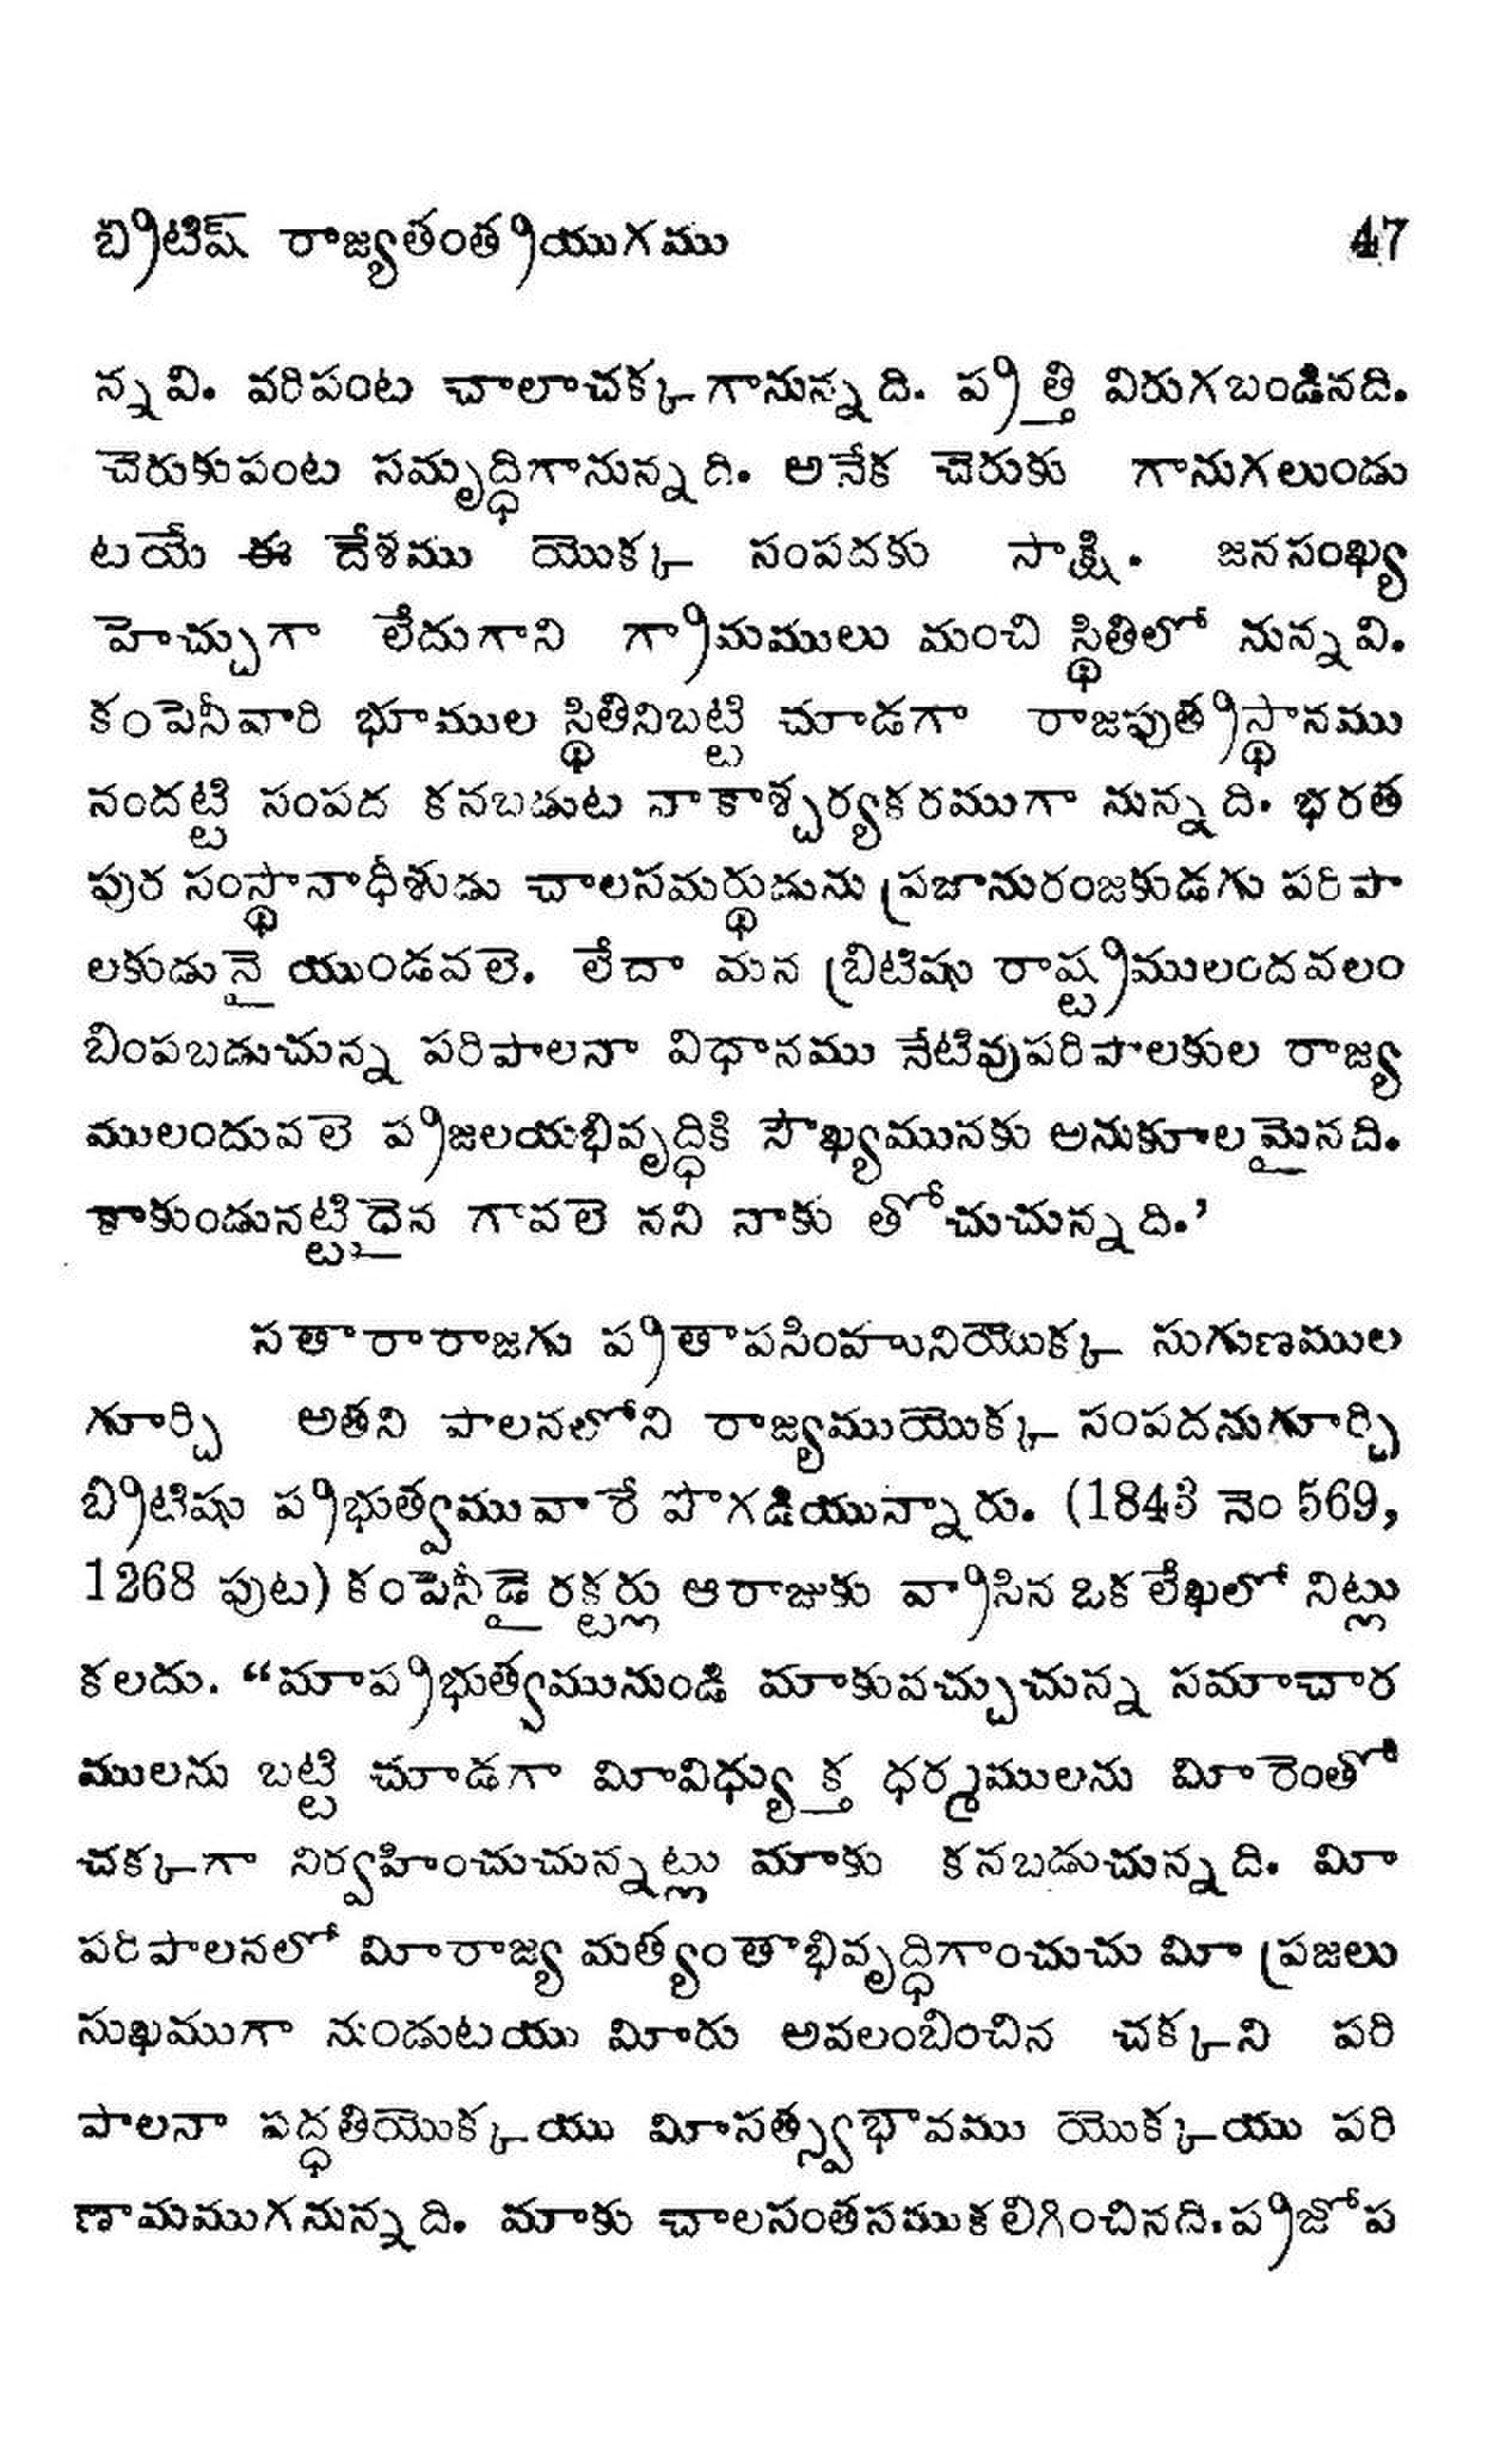న్నవి. వరిపంట చాలాచక్కగానున్నది. ప్రత్తి విరుగబండినది. చెరుకుపంట సమృద్ధిగానున్నది. అనేక చెరుకు గానుగలుండుటయే ఈ దేశము యొక్క సంపదకు సాక్షి . జనసంఖ్య హెచ్చుగా లేదుగాని గ్రామములు మంచి స్థితిలో నున్నవి. కంపెనీవారి భూముల స్థితినిబట్టి చూడగా రాజపుత్రస్థానము నందట్టి సంపద కనబడుట నాకాశ్చర్యకరముగా నున్నది. భరతపుర సంస్థానాధీశుడు చాలసమర్థుడును ప్రజానురంజకుడగు పరిపాలకుడునై యుండవలె. లేదా మన బ్రిటిషు రాష్ట్రములందవలంబింపబడుచున్న పరిపాలనా విధానము నేటివుపరిపాలకుల రాజ్యములందువలె ప్రజలయభివృద్ధికి సౌఖ్యమునకు అనుకూలమైనది కాకుండునట్టిదైన గావలె నని నాకు తోచుచున్నది. ”

సతారారాజగు ప్రతాపసింహునియొక్క సుగుణముల గూర్చి అతని పాలనలోని రాజ్యముయొక్క సంపదనుగూర్చి బ్రిటిషు ప్రభుత్వమువారే పొగడియున్నారు. (1843 నెం 569, 1268 పుట) కంపెనీడైరక్టర్లు ఆ రాజుకు వ్రాసిన ఒకలేఖలో నిట్లు కలదు. “మాప్రభుత్వమునుండి మాకువచ్చుచున్న సమాచారములను బట్టి చూడగా మీవిధ్యుక్త ధర్మములను మీరెంతో చక్కగా నిర్వహించుచున్నట్లు మాకు కనబడుచున్నది. మీ పరిపాలనలో మీరాజ్యమత్యంతాభి వృద్ధిగాంచుచు మీ ప్రజలు సుఖముగా నుండుటయు మీరు అవలంబించిన చక్కని పరిపాలనా పద్దతియొక్కయు మీసత్స్వభావము యొక్కయు పరిణామముగనున్నది. మాకు చాలసంతసముకలిగించినది. ప్రజోప